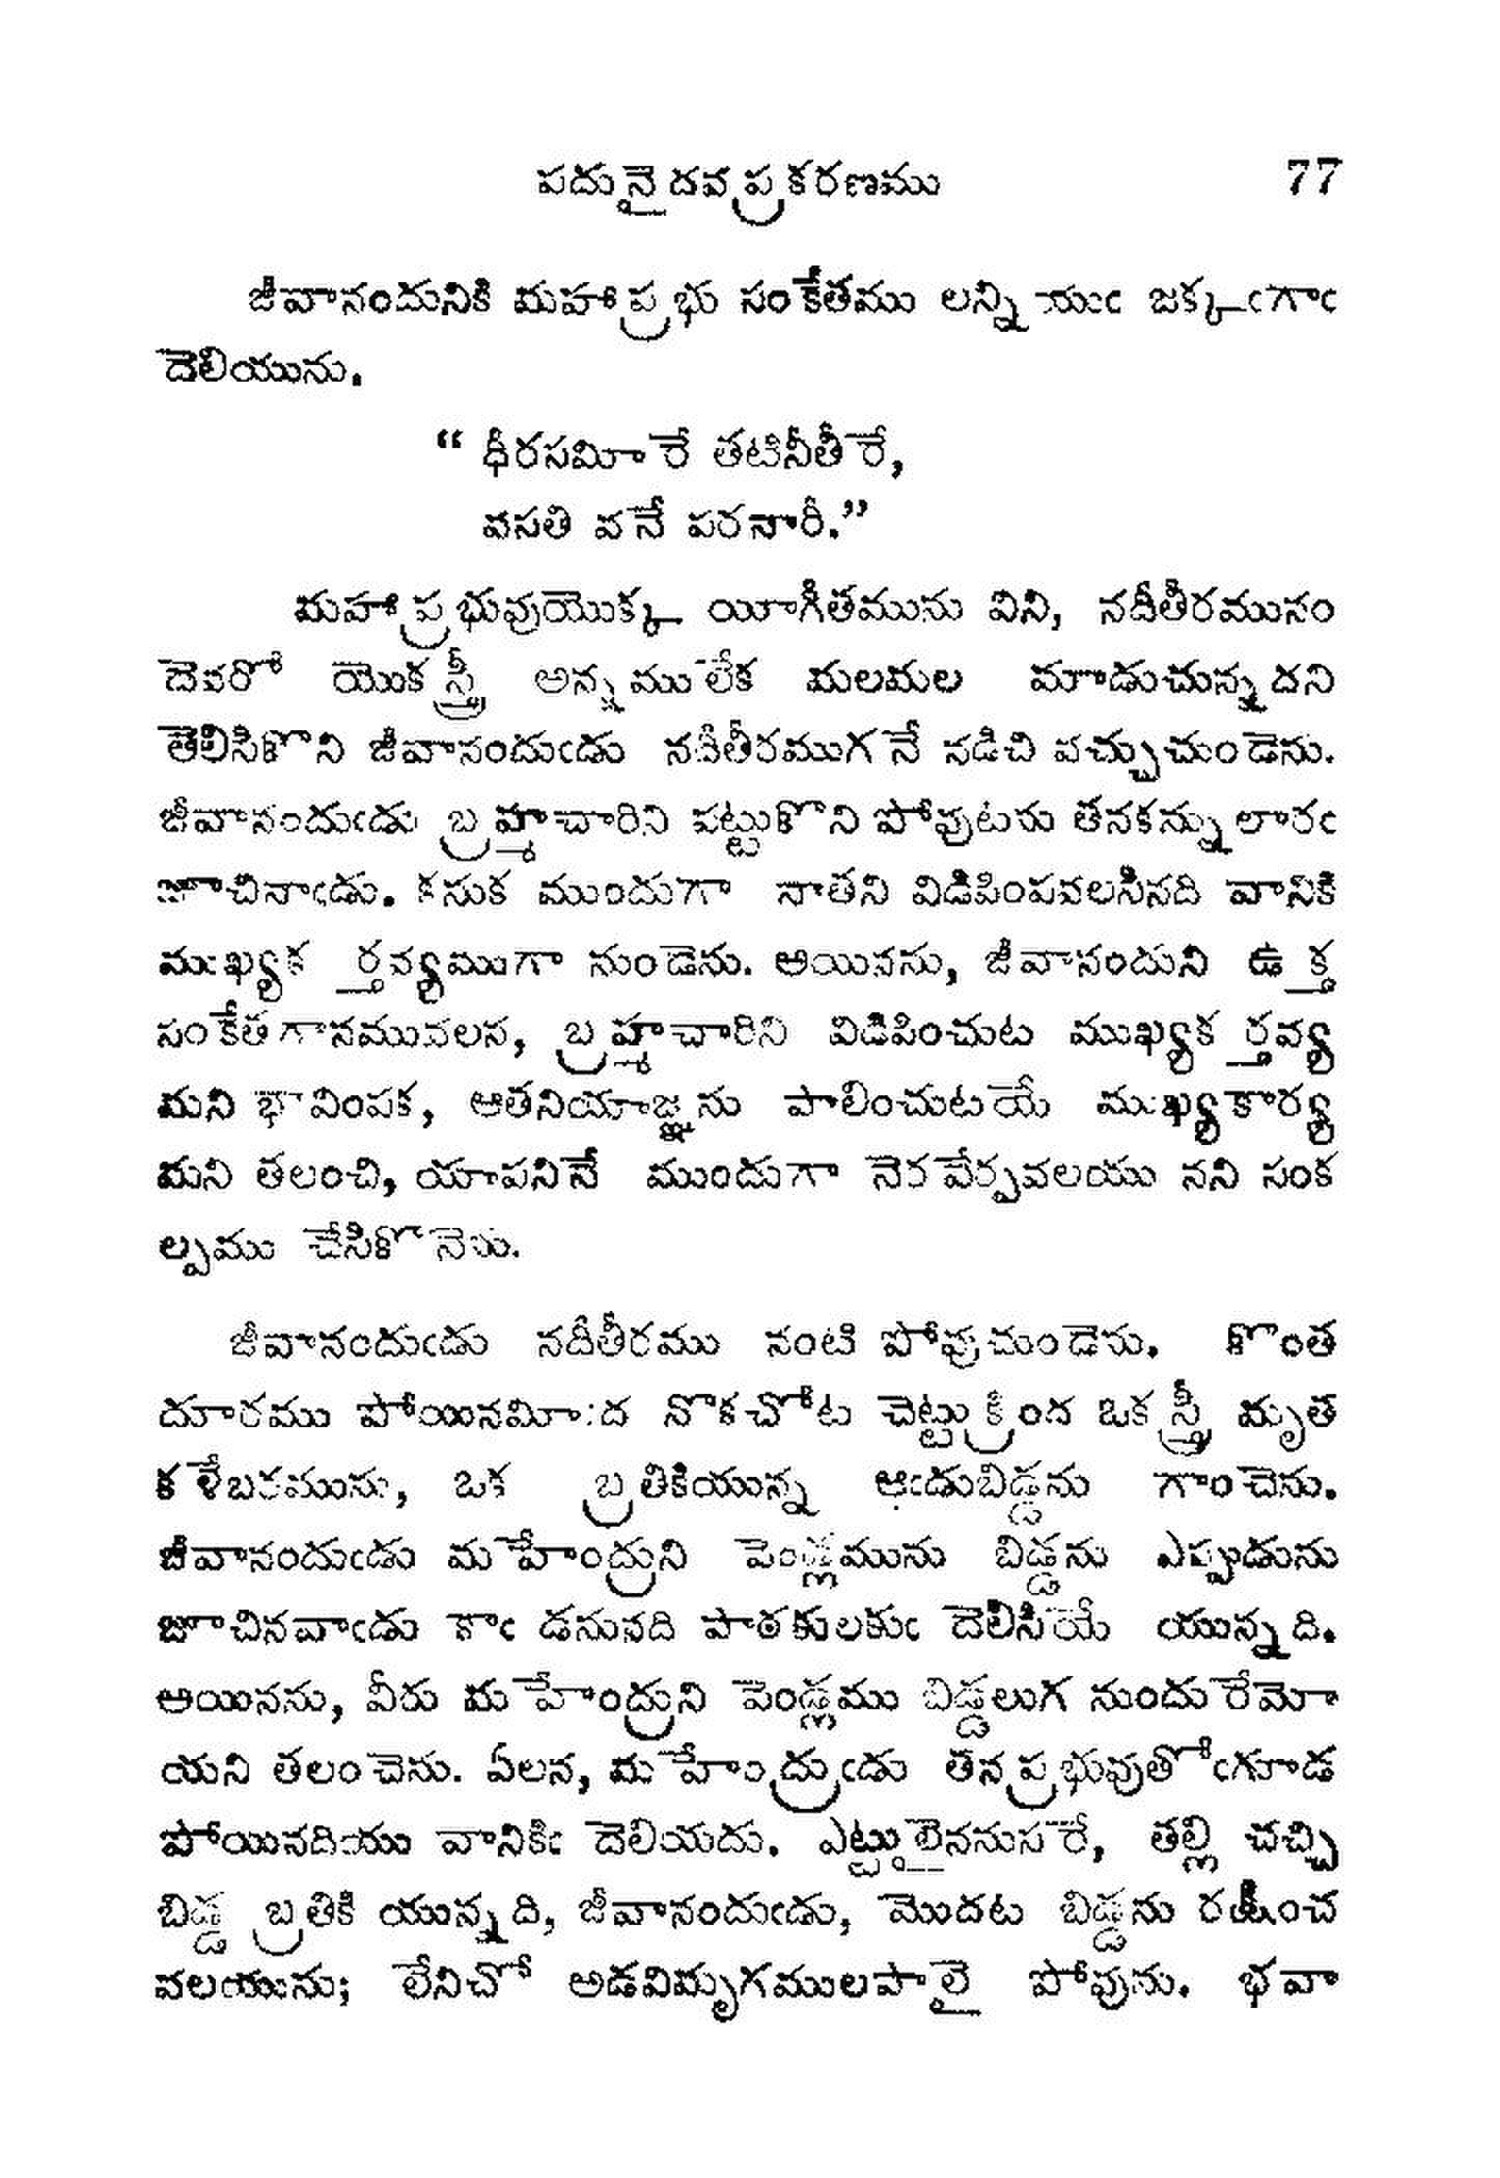జీవానందునికి మహాప్రభు సంకేతము లన్నియుఁ జక్కఁగా దెలియును.

ధీరసమీరే తటినీతీరే,
వసతి వనే పరనారీ.”

మహా ప్రభువు యొక్క యీగీతమును విని, నదీతీరమునం దెవరో యొక స్త్రీ అన్నము లేక మలమల మాడుచున్నదని తెలిసికొని జీవానందుఁడు నదీతీరముగనే నడిచి వచ్చుచుండెను. జీవానందుఁడు బ్రహ్మచారిని పట్టుకొని పోవుటకు తనకన్ను లారఁ జూచినాఁడు. కనుక ముందుగా నాతని విడిపింపవలసినది వానికి ముఖ్యకర్తవ్యముగా నుండెను. అయినను, జీవానందుని ఉక్త సంకేత గానమువలన, బ్రహ్మచారిని విడిపించుట ముఖ్యకర్తవ్యమని భావింపక, ఆతనియాజ్ఞను పాలించుటయే ముఖ్య కార్యమని తలంచి, యాపనినే ముందుగా నెరవేర్పవలయు నని సంకల్పము చేసికొనెను.

జీవానందుఁడు నదీతీరము నంటి పోవుచుండెను, కొంతదూరము పోయినమీద నొక చోట చెట్టు క్రింద ఒక స్త్రీ మృత కళేబరమును, ఒక బ్రతికియున్న ఆఁడుబిడ్డను గాంచెను. జీవానందుఁడు మహేంద్రుని పెండ్లమును బిడ్డను ఎప్పుడును జూచినవాఁడు కాఁ డనునది పాఠకులకుఁ దెలిసియే యున్నది. అయినను, వీరు మహేంద్రుని పెండ్లము బిడ్డలుగ నుందురేమో యని తలంచెను. ఏలన, మహేంద్రుఁడు తన ప్రభువుతోఁగూడ పోయినదియు వానికిఁ దెలియదు. ఎట్టులైననుసరే, తల్లి చచ్చి బిడ్డ బ్రతికి యున్నది, జీవానందుఁడు, మొదట బిడ్డను రక్షించవలయును; లేనిచో అడవిమృగములపాలై పోవును. భవా